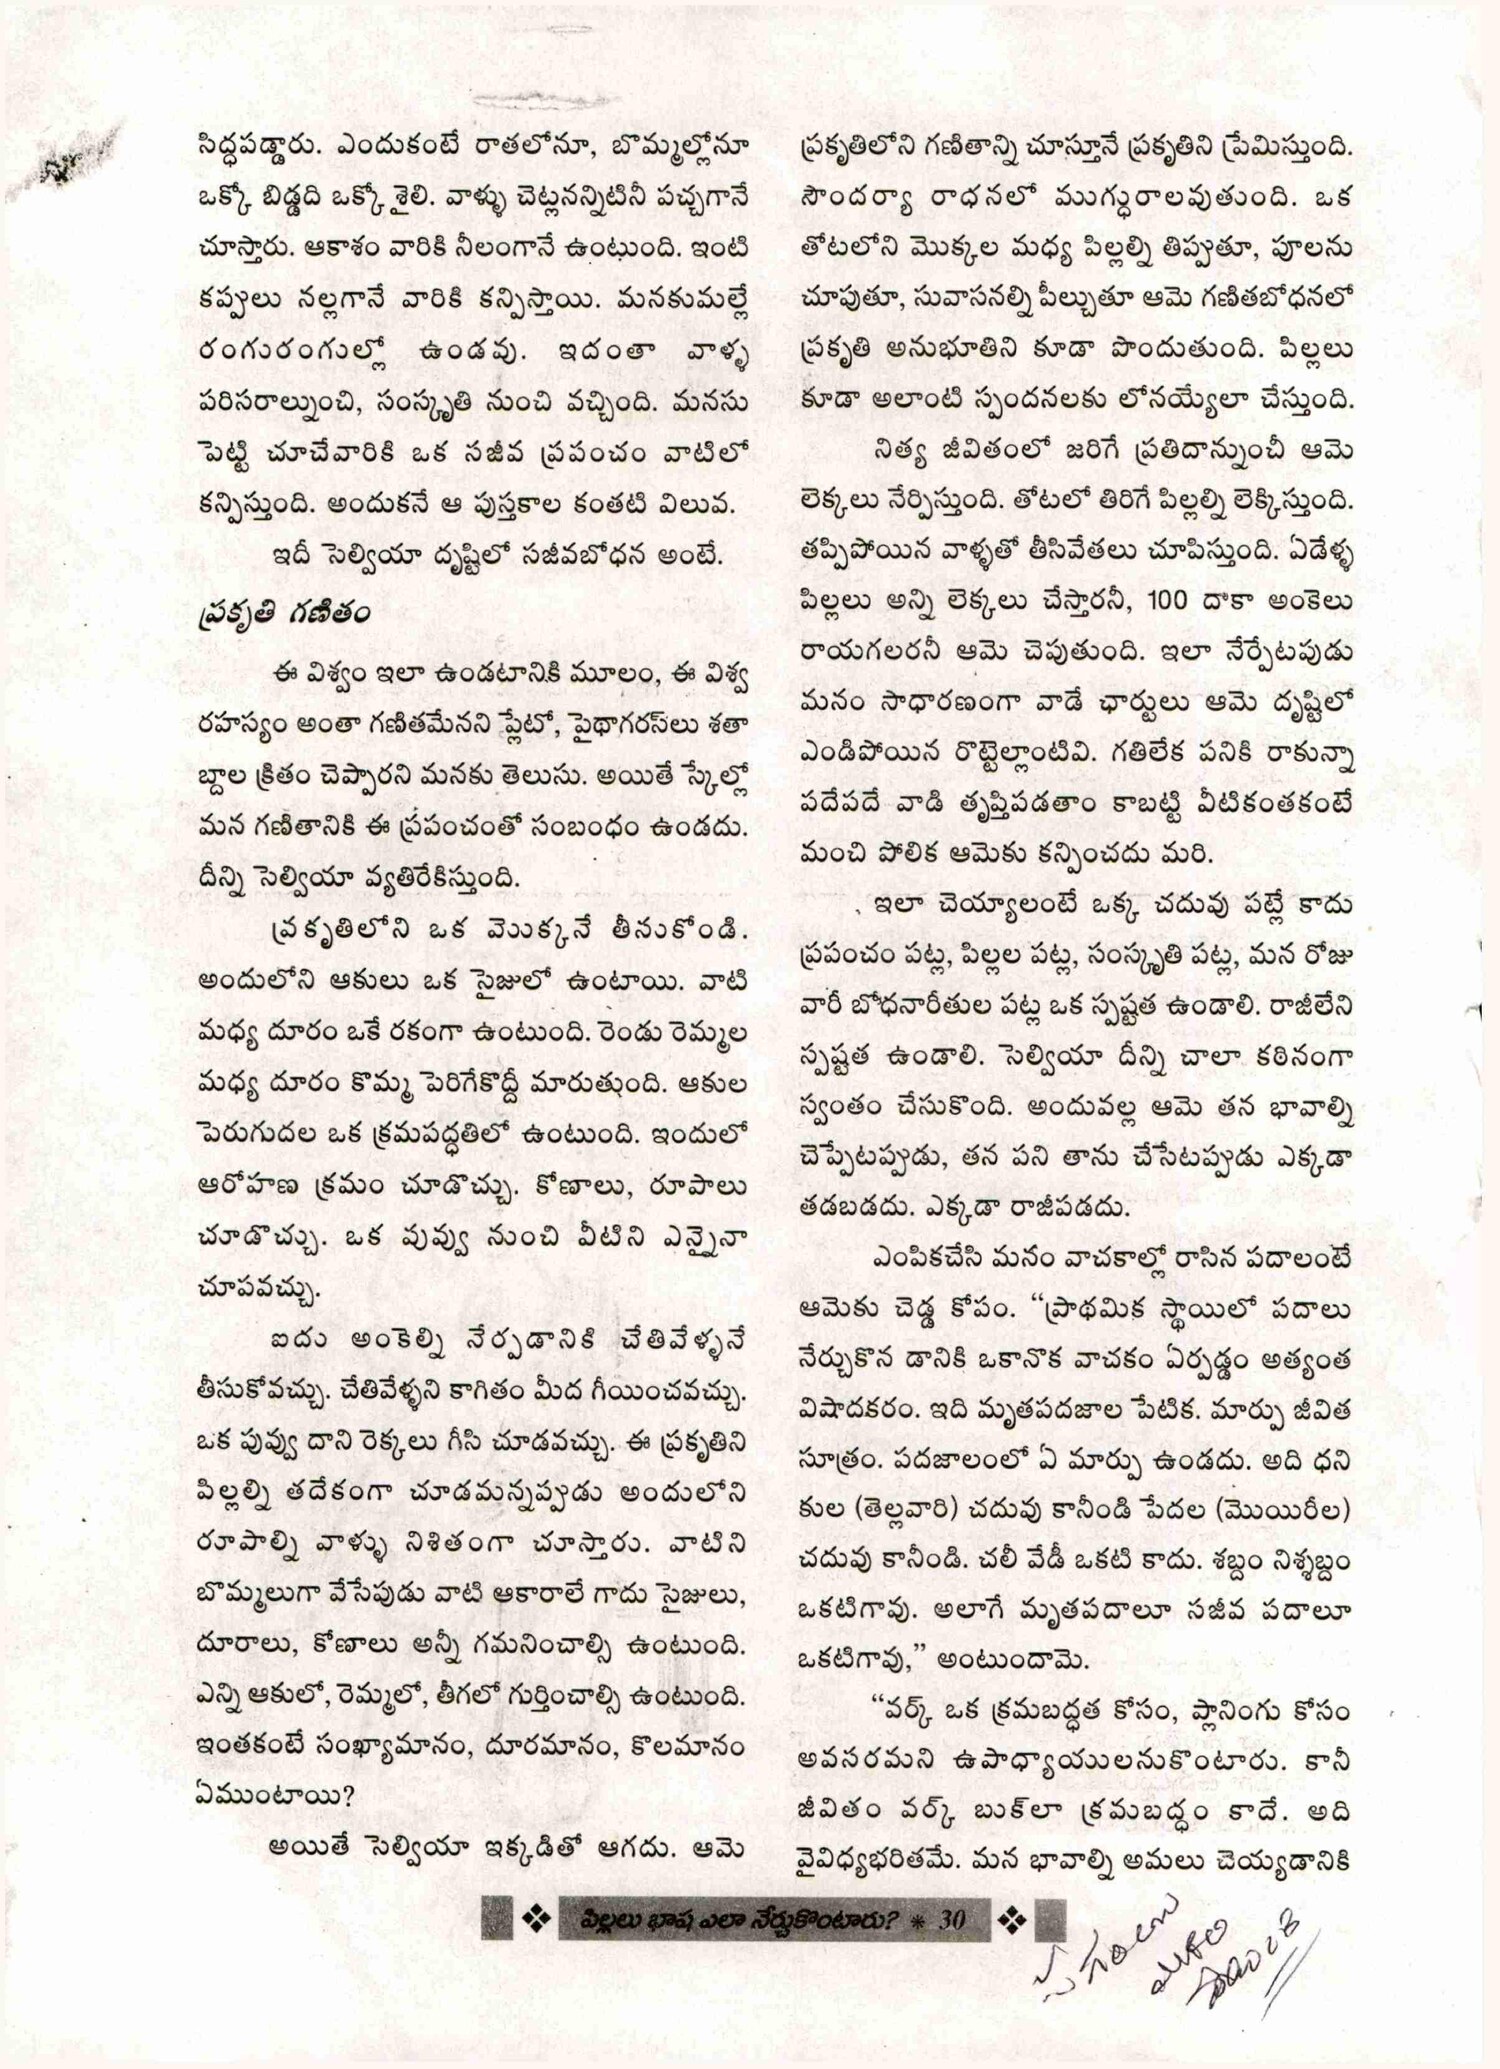సిద్ధపడ్డారు. ఎందుకంటే రాతలోనూ, బొమ్మల్లోనూ ఒక్కో బిడ్డది ఒక్కో శైలి. వాళ్ళు చెట్లనన్నిటినీ పచ్చగానే చూస్తారు. ఆకాశం వారికి నీలంగానే ఉంటుంది. ఇంటి కప్పులు నల్లగానే వారికి కన్పిస్తాయి. మనకుమల్లే రంగురంగుల్లో ఉండవు. ఇదంతా వాళ్ళ పరిసరాల్నుంచి, సంస్కృతి నుంచి వచ్చింది. మనసు పెట్టి చూచేవారికి ఒక సజీవ ప్రపంచం వాటిలో కన్పిస్తుంది. అందుకనే ఆ పుస్తకాల కంతటి విలువ.

ఇదీ సెల్వియా దృష్టిలో సజీవబోధన అంటే.

ప్రకృతి గణితం

ఈ విశ్వం ఇలా ఉండటానికి మూలం, ఈ విశ్వరహస్యం అంతా గణితమేనని ప్లేటో, పైథాగరస్‌లు శతాబ్దాల క్రితం చెప్పారని మనకు తెలుసు. అయితే స్కేల్లో మన గణితానికి ఈ ప్రపంచంతో సంబంధం ఉండదు. దీన్ని సెల్వియా వ్యతిరేకిస్తుంది.

ప్రకృతిలోని ఒక మొక్కనే తీసుకోండి. అందులోని ఆకులు ఒక సైజులో ఉంటాయి. వాటి మధ్య దూరం ఒకే రకంగా ఉంటుంది. రెండు రెమ్మల మధ్య దూరం కొమ్మ పెరిగేకొద్దీ మారుతుంది. ఆకుల పెరుగుదల ఒక క్రమపద్ధతిలో ఉంటుంది. ఇందులో ఆరోహణ క్రమం చూడొచ్చు. కోణాలు, రూపాలు చూడొచ్చు. ఒక పువ్వు నుంచి వీటిని ఎన్నైనా
చూపవచ్చు.

ఐదు అంకెల్ని నేర్పడానికి చేతివేళ్ళనే తీసుకోవచ్చు. చేతివేళ్ళని కాగితం మీద గీయించవచ్చు. ఒక పువ్వు దాని రెక్కలు గీసి చూడవచ్చు. ఈ ప్రకృతిని పిల్లల్ని తదేకంగా చూడమన్నప్పుడు అందులోని రూపాల్ని వాళ్ళు నిశితంగా చూస్తారు. వాటిని బొమ్మలుగా వేసేపుడు వాటి ఆకారాలే గాదు సైజులు, దూరాలు, కోణాలు అన్నీ గమనించాల్సి ఉంటుంది. ఎన్ని ఆకులో, రెమ్మలో, తీగలో గుర్తించాల్సి ఉంటుంది. ఇంతకంటే సంఖ్యామానం, దూరమానం, కొలమానం
ఏముంటాయి?

అయితే సెల్వియా ఇక్కడితో ఆగదు. ఆమె ప్రకృతిలోని గణితాన్ని చూస్తూనే ప్రకృతిని ప్రేమిస్తుంది. సౌందర్యా రాధనలో ముగ్ధురాలవుతుంది. ఒక తోటలోని మొక్కల మధ్య పిల్లల్ని తిప్పుతూ, పూలను చూపుతూ, సువాసనల్ని పీల్చుతూ ఆమె గణితబోధనలో ప్రకృతి అనుభూతిని కూడా పొందుతుంది. పిల్లలు కూడా అలాంటి స్పందనలకు లోనయ్యేలా చేస్తుంది.

నిత్య జీవితంలో జరిగే ప్రతిదాన్నుంచీ ఆమె లెక్కలు నేర్పిస్తుంది. తోటలో తిరిగే పిల్లల్ని లెక్కిస్తుంది. తప్పిపోయిన వాళ్ళతో తీసివేతలు చూపిస్తుంది. ఏడేళ్ళ పిల్లలు అన్ని లెక్కలు చేస్తారనీ, 100 దాకా అంకెలు రాయగలరనీ ఆమె చెపుతుంది. ఇలా నేర్పేటపుడు మనం సాధారణంగా వాడే ఛార్టులు ఆమె దృష్టిలో ఎండిపోయిన రొట్టెల్లాంటివి. గతిలేక పనికి రాకున్నా పదేపదే వాడి తృప్తిపడతాం కాబట్టి వీటికంతకంటే మంచి పోలిక ఆమెకు కన్పించదు మరి.

ఇలా చెయ్యాలంటే ఒక్క చదువు పట్లే కాదు ప్రపంచం పట్ల, పిల్లల పట్ల, సంస్కృతి పట్ల, మన రోజువారీ బోధనారీతుల పట్ల ఒక స్పష్టత ఉండాలి. రాజీలేని స్పష్టత ఉండాలి. సెల్వియా దీన్ని చాలా కఠినంగా స్వంతం చేసుకొంది. అందువల్ల ఆమె తన భావాల్ని చెప్పేటప్పుడు, తన పని తాను చేసేటప్పుడు ఎక్కడా తడబడదు. ఎక్కడా రాజీపడదు.

ఎంపికచేసి మనం వాచకాల్లో రాసిన పదాలంటే ఆమెకు చెడ్డ కోపం. "ప్రాథమిక స్థాయిలో పదాలు నేర్చుకొన డానికి ఒకానొక వాచకం ఏర్పడ్డం అత్యంత విషాదకరం. ఇది మృతపదజాల పేటిక మార్పు జీవిత సూత్రం. పదజాలంలో ఏ మార్పు ఉండదు. అది ధనికుల (తెల్లవారి) చదువు కానీండి పేదల (మొయిరీల) చదువు కానీండి. చలీ వేడీ ఒకటి కాదు. శబ్దం నిశ్శబ్దం ఒకటిగావు. అలాగే మృతపదాలూ సజీవ పదాలూ ఒకటిగావు," అంటుందామె.

“వర్క్ ఒక క్రమబద్ధత కోసం, ప్లానింగు కోసం అవసరమని ఉపాధ్యాయులనుకొంటారు. కానీ జీవితం వర్క్ బుక్‌లా క్రమబద్ధం కాదే. అది వైవిధ్యభరితమే. మన భావాల్ని అమలు చెయ్యడానికి